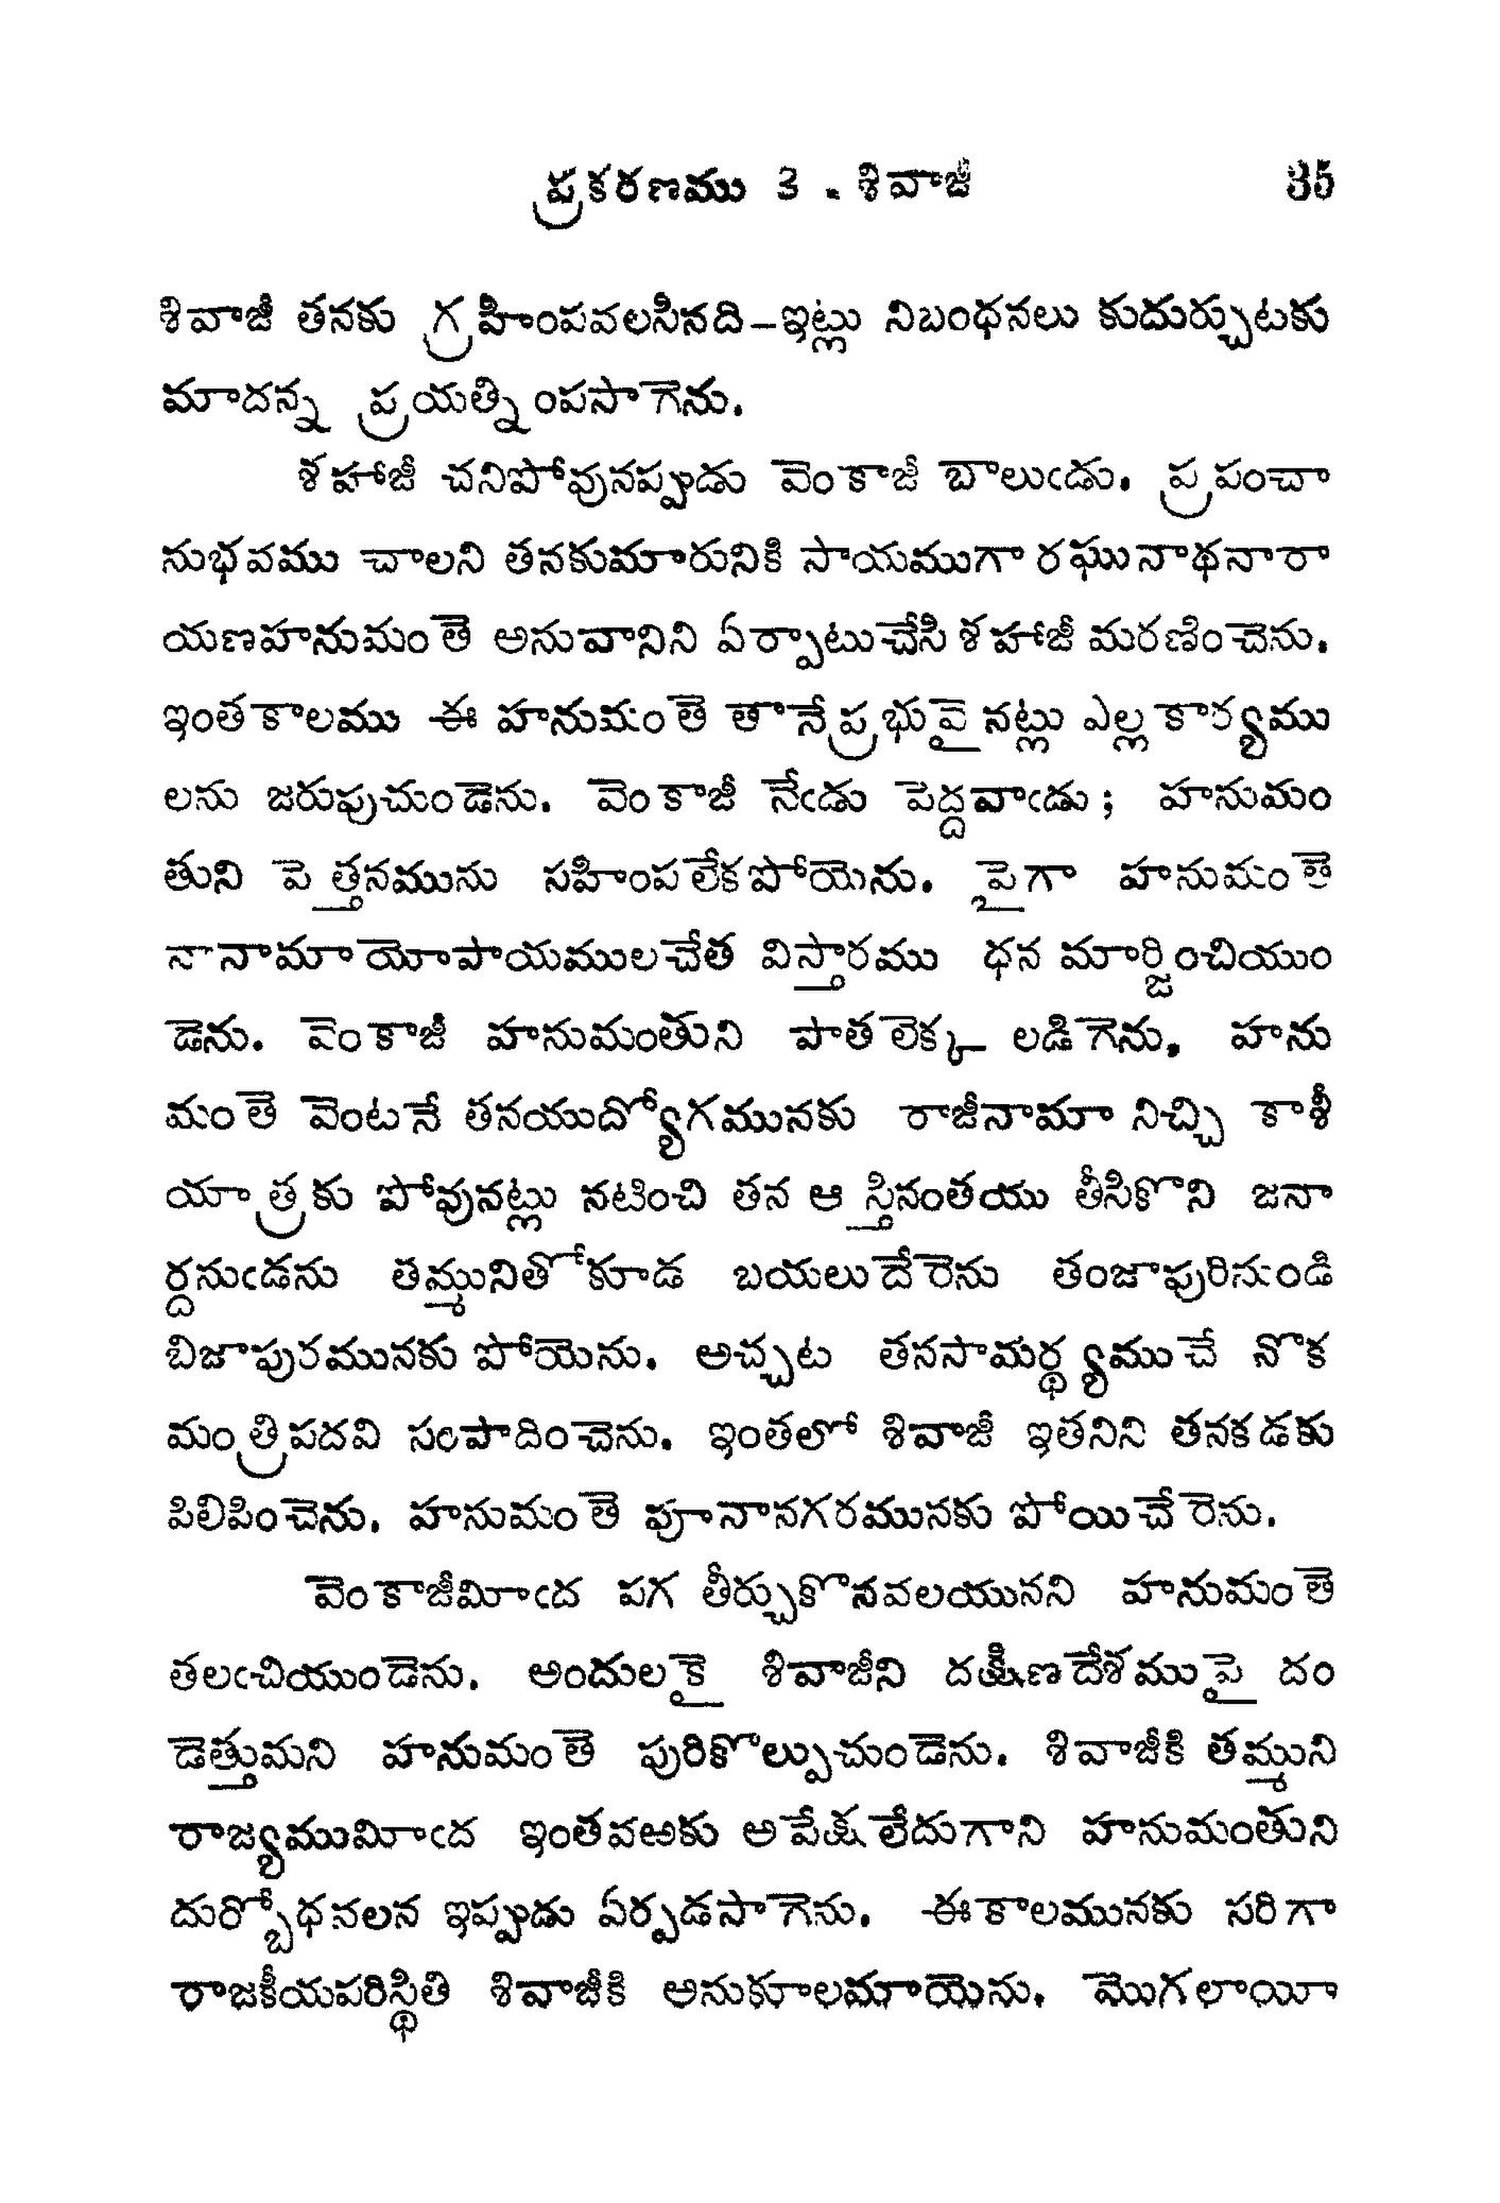శివాజీ తనకు గ్రహింపవలసినది–ఇట్లు నిబంధనలు కుదుర్చుటకు మాదన్న ప్రయత్నింపసాగెను.

శహాజీ చనిపోవునప్పుడు వెంకాజీ బాలుఁడు. ప్రపంచానుభవము చాలని తనకుమారునికి సాయముగా రఘునాథనారాయణహనుమంతె అనువానిని ఏర్పాటుచేసి శహాజీ మరణించెను. ఇంతకాలము ఈ హనుమంతె తానేప్రభువైనట్లు ఎల్లకార్యములను జరుపుచుండెను. వెంకాజీ నేఁడు పెద్దవాఁడు; హనుమంతుని పెత్తనమును సహింపలేకపోయెను. పైగా హనుమంతె నానామాయోపాయములచేత విస్తారము ధన మార్జించియుండెను. వెంకాజీ హనుమంతుని పాతలెక్క లడిగెను. హనుమంతె వెంటనే తనయుద్యోగమునకు రాజీనామా నిచ్చి కాశీయాత్రకు పోవునట్లు నటించి తన ఆస్తినంతయు తీసికొని జనార్దనుఁడను తమ్మునితోకూడ బయలుదేరెను. తంజాపురినుండి బిజాపురమునకు పోయెను. అచ్చట తనసామర్థ్యముచే నొక మంత్రిపదవి సంపాదించెను. ఇంతలో శివాజీ ఇతనిని తనకడకు పిలిపించెను. హనుమంతె పూనానగరమునకు పోయిచేరెను.

వెంకాజీమీఁద పగ తీర్చుకొనవలయునని హనుమంతె తలఁచియుండెను. అందులకై శివాజీని దక్షిణదేశముపై దండెత్తుమని హనుమంతె పురికొల్పుచుండెను. శివాజీకి తమ్ముని రాజ్యముమీఁద ఇంతవఱకు అపేక్షలేదుగాని హనుమంతుని దుర్బోధవలన ఇప్పడు ఏర్పడసాగెను. ఈకాలమునకు సరిగా రాజకీయపరిస్థితి శివాజీకి అనుకూలమాయెను. మొగలాయీ